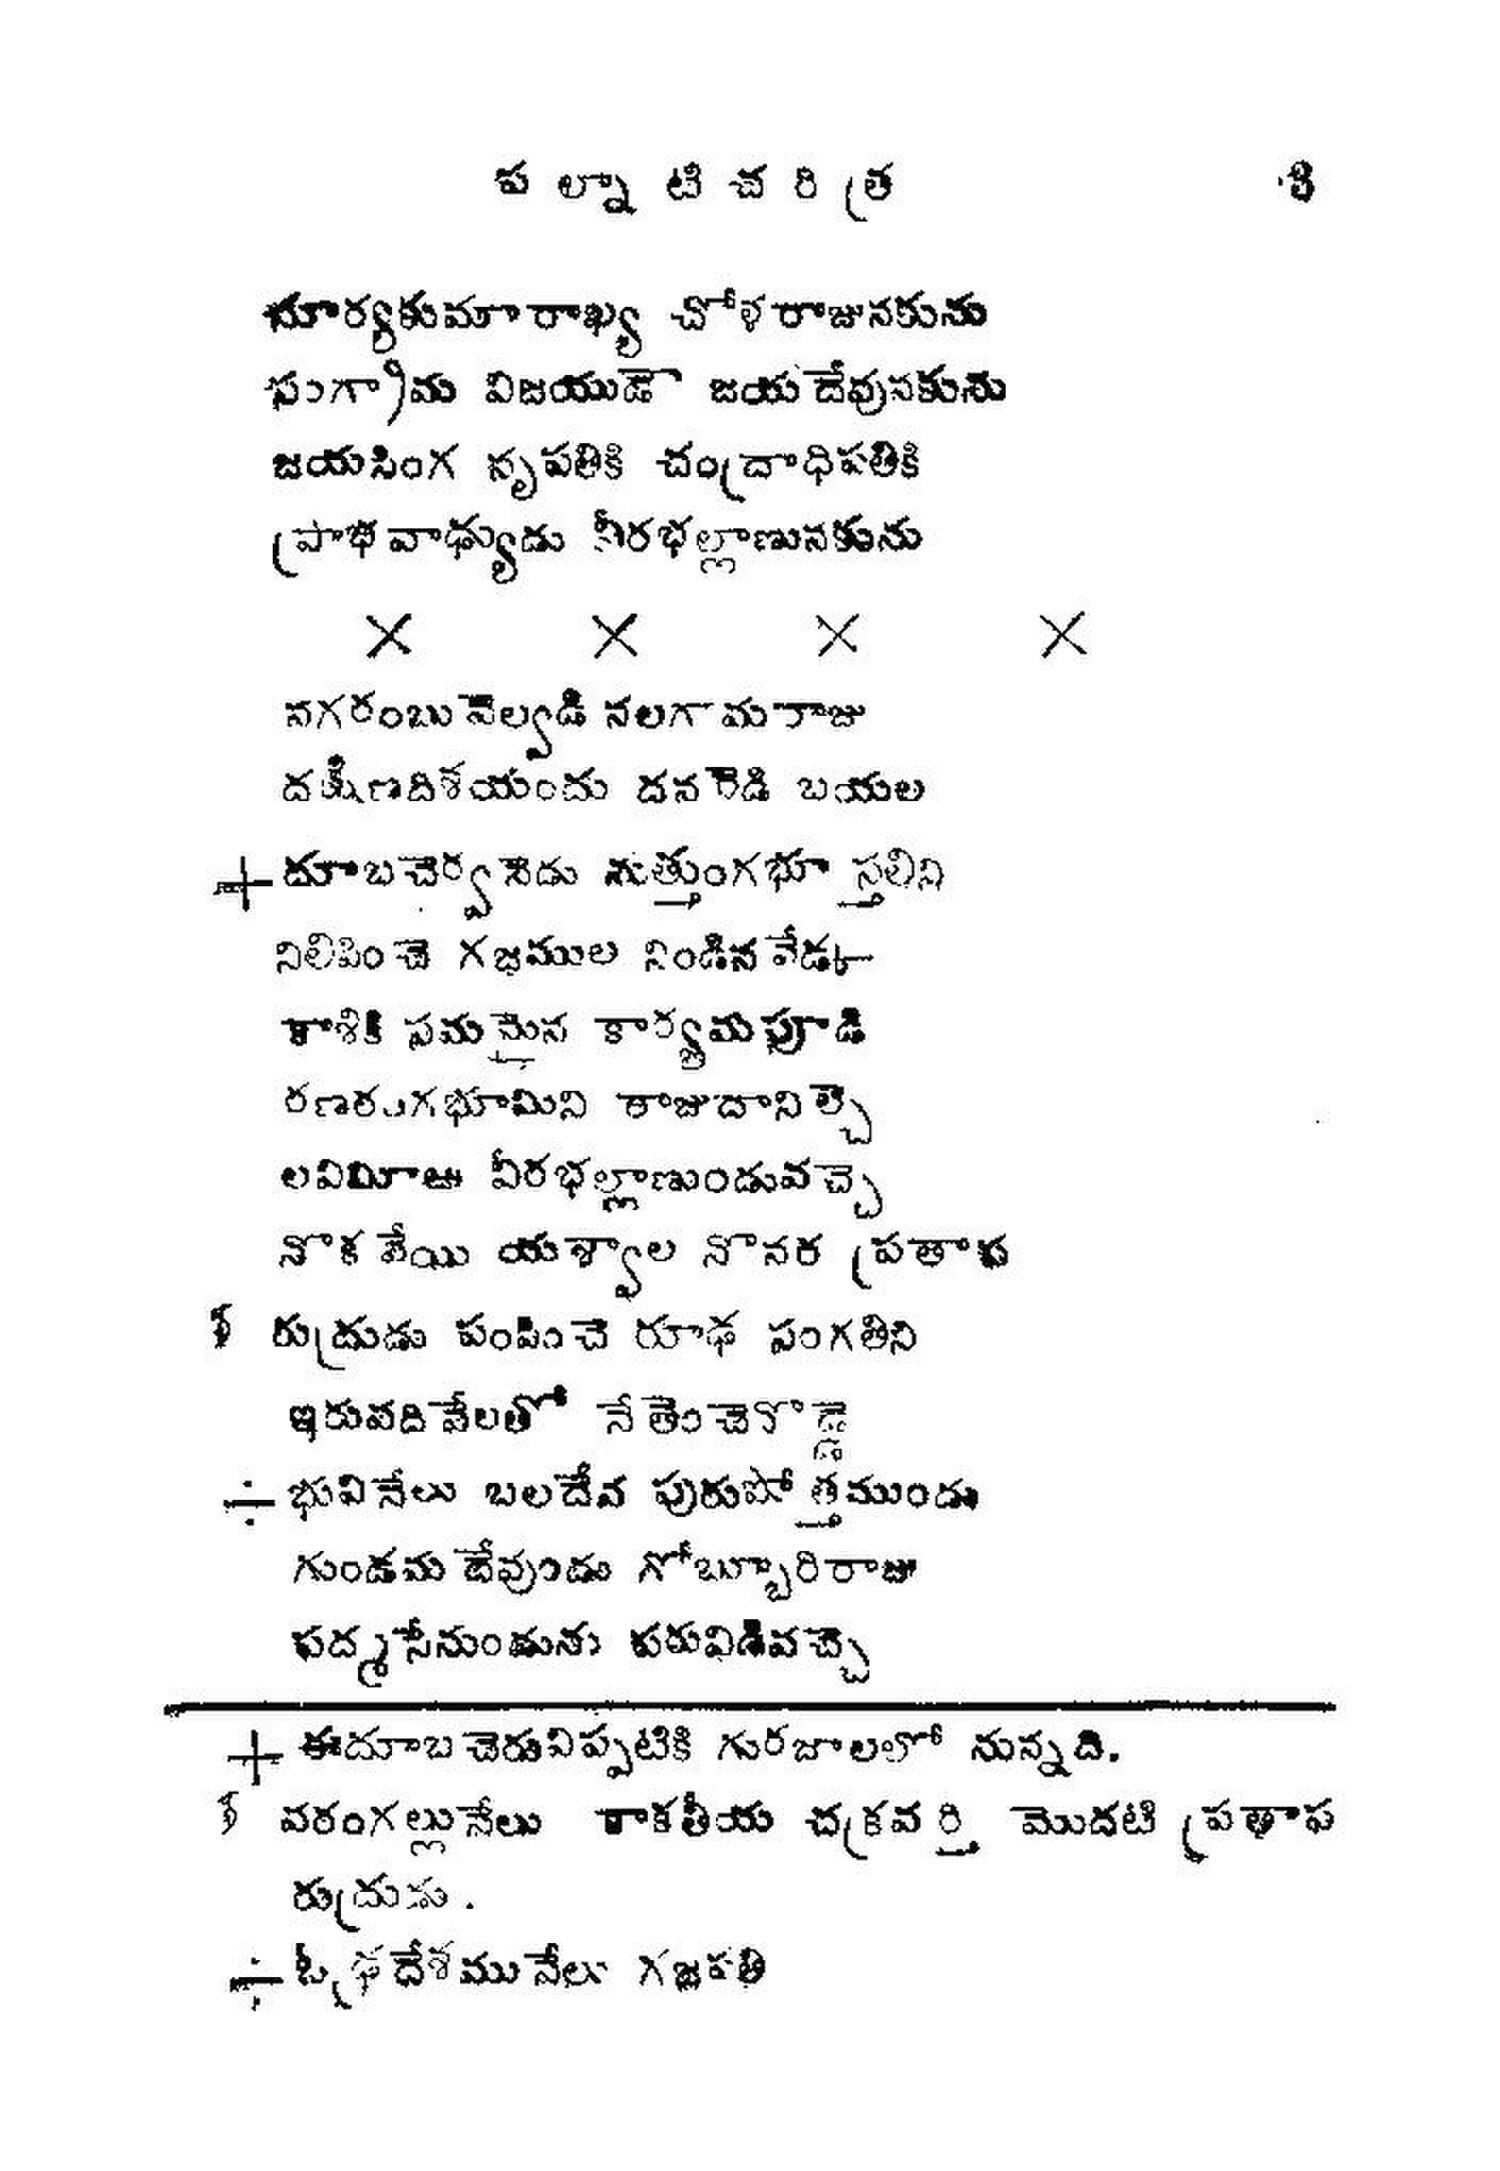సూర్యకుమారాఖ్య చోళ రాజునకును
సుగ్రామ విజయుడౌ జయదేవునకును
జయసింగ నృపతికి చంద్రాధిపతికి
ప్రాథవాఢ్యుడు వీరభల్లాణునకును

§§§§ §§§§ §§§§ §§§§ §§§§

నగరంబు వెల్వడి నలగామరాజు
దక్షిణదిశయందు దనరెడి బయలు
దూబచెర్వనేడు నుత్తుంగభూస్తలిని
నిలిపించే గజములు నిండినవేడ్క 
కాశికి సమమైన కార్యమపూడి
రణరుగభూమిని రాజుదానిల్చె
లవిమీఱ వీరభల్లాణుండువచ్చె
నొక వేయి యశ్వాల నొనర ప్రతాప 
రుద్రుడు పంపించె రూఢ సంగతిని
ఇరువది వేలతో నేతెంచెనొడ్డె
భువినేలు బలదేవ పురుషోత్తముండు
గుండమదేవుండు గొబ్బూరిరాజు
పద్మసేనుండును పరువిడివచ్చె